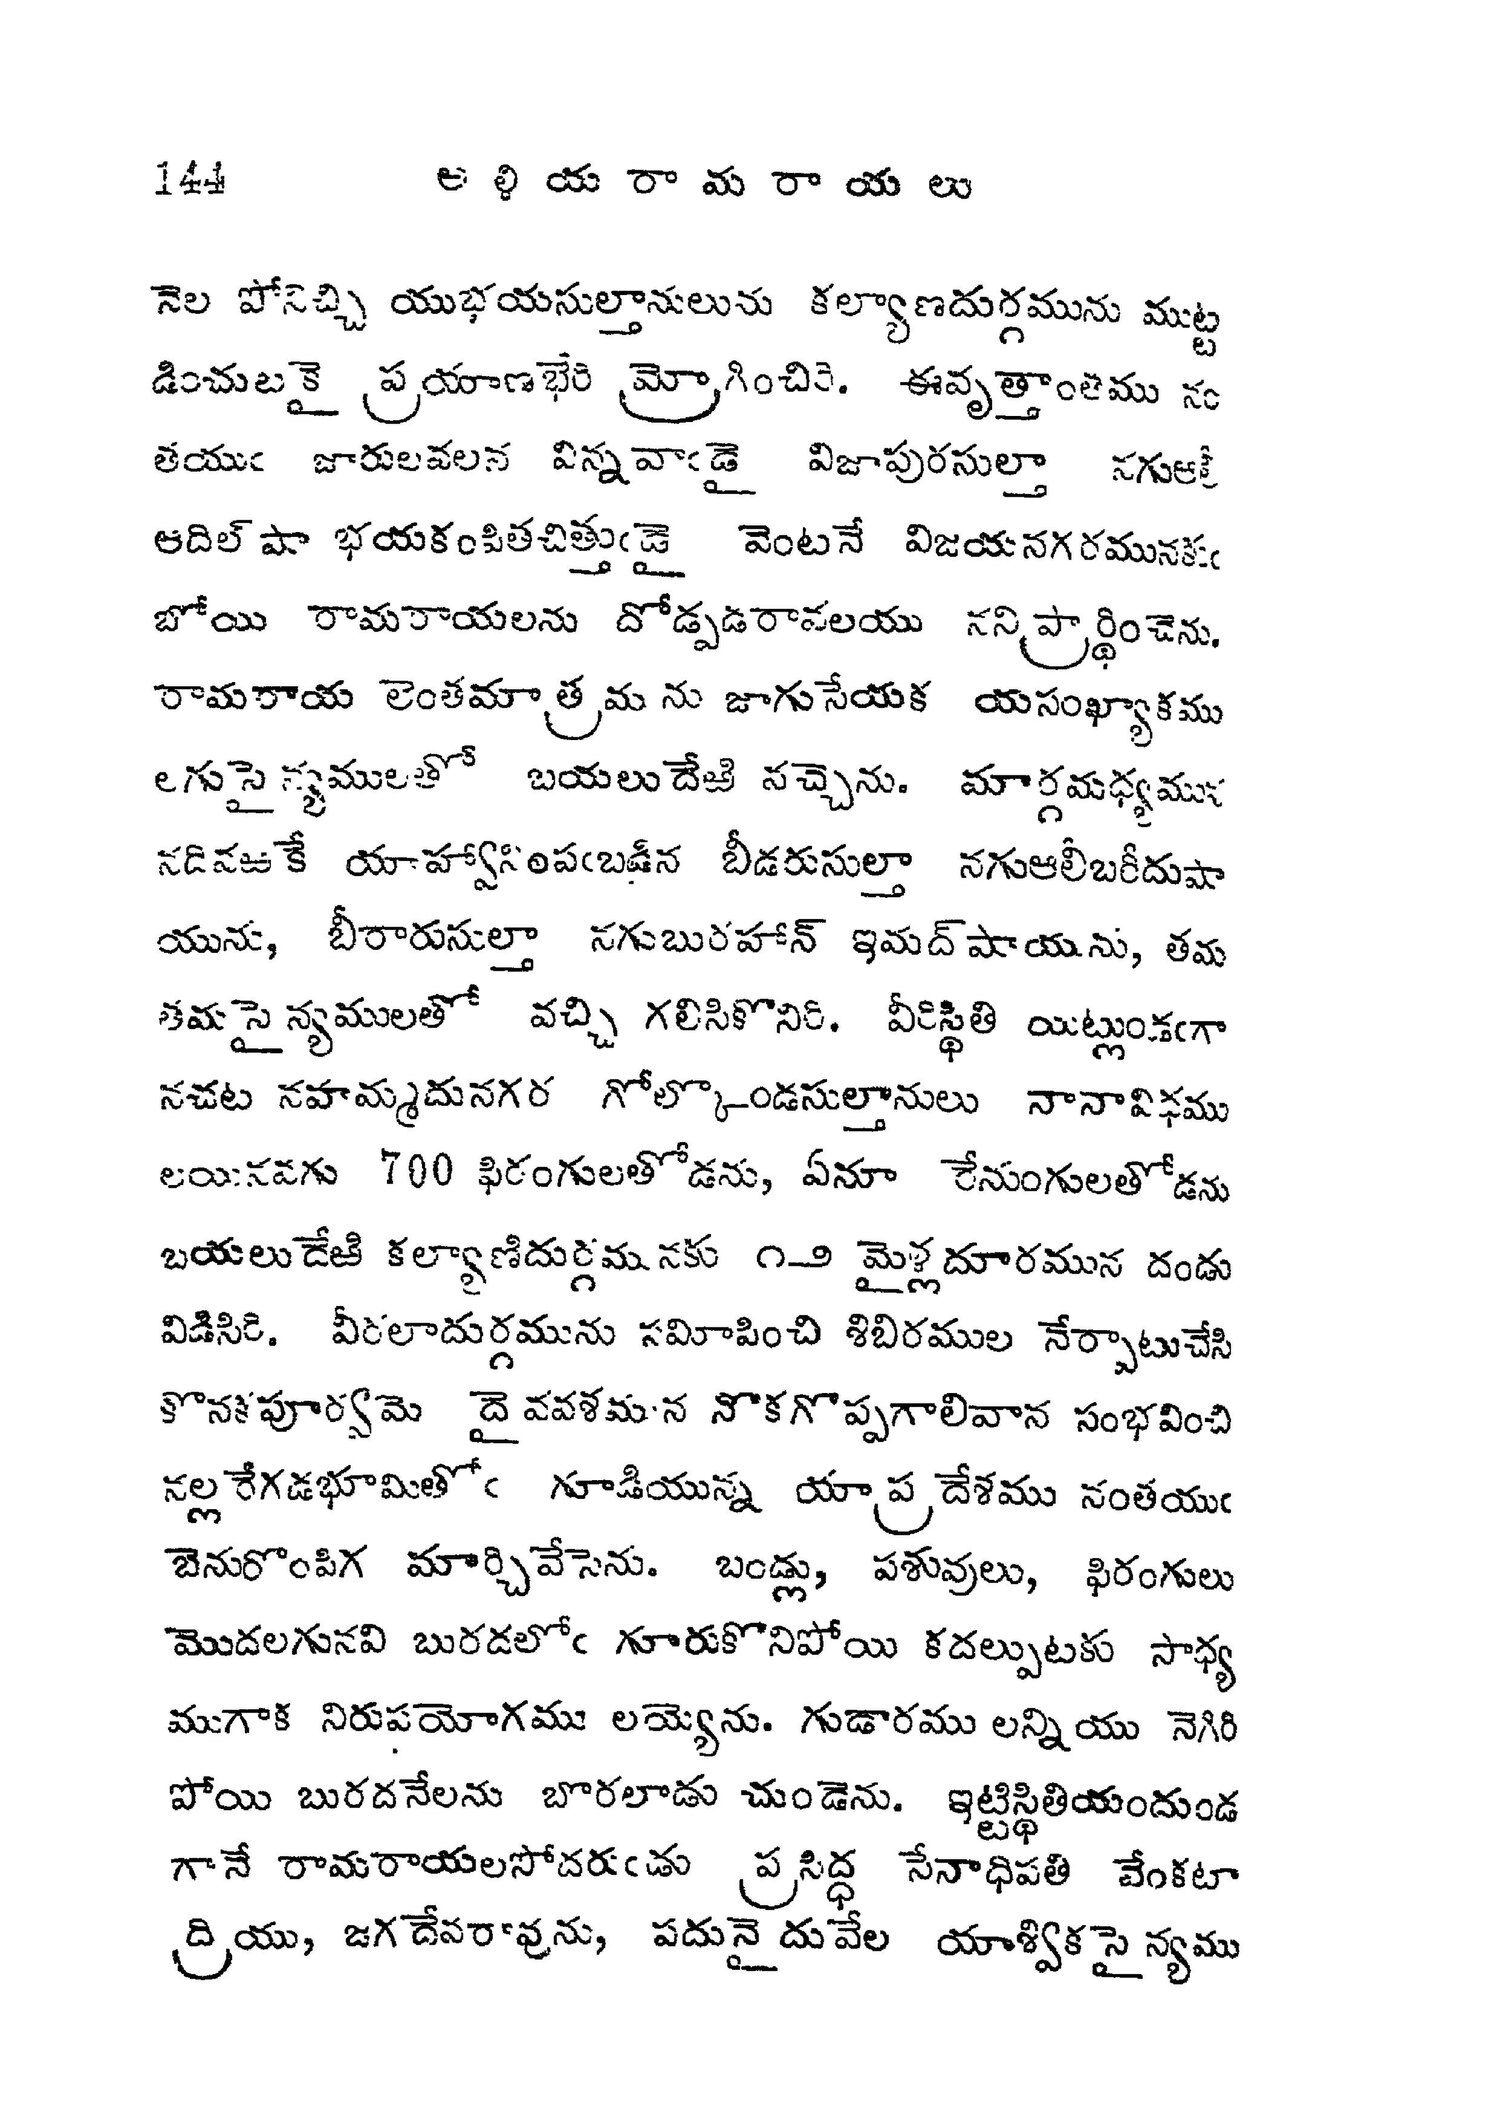నెల పోనిచ్చి యుభయసుల్తానులును కళ్యాణదుర్గమును ముట్టడించుటకై ప్రయాణభేరి మ్రోగించిరి. ఈవృత్తాంతము నంతయు జారులవలన విన్నవాడై విజాపురసుల్తా నగుఆలీఆదిల్‌షా భయకంపితచిత్తుడై వెంటనే విజయనగరమునకు బోయి రామరాయలను దోడ్పడరావలయు ననిప్రార్థించెను. రామరాయ లెంతమాత్రమును జాగుసేయక యసంఖ్యాకములగు సైన్యములతో బయలుదేఱి వచ్చెను. మార్గమధ్యమున నదివఱకే యాహ్వానింపబడిన బీడరుసుల్తా నగుఆలీబరీదుషాయును, బీరారుసుల్తా నగుబురహాన్ ఇమద్‌షాయును, తమ తమసైన్యములతో వచ్చి గలిసికొనిరి. వీరిస్థితి యిట్లుండగా నచట నహమ్మదునగర గోల్కొండసుల్తానులు నానావిధములయినవగు 700 ఫిరంగులతోడను, ఏనూ రేనుంగులతోడను బయలుదేఱి కళ్యాణిదుర్గమునకు 12 మైళ్ల దూరమున దండు విడిసిరి. వీరలాదుర్గమును సమీపించి శిబిరముల నేర్పాటుచేసి కొనకపూర్వమె దైవవశమున నొకగొప్పగాలివాన సంభవించి నల్లరేగడభూమితో గూడియున్న యాప్రదేశము నంతయు బెనురొంపిగ మార్చివేసెను. బండ్లు, పశువులు, ఫిరంగులు మొదలగునవి బురదలో గూరుకొనిపోయి కదల్పుటకు సాధ్యముగాక నిరుపుయోగము లయ్యెను. గుడారము లన్నియు నెగిరిపోయి బురదనేలను బొరలాడు చుండెను. ఇట్టిస్థితియందుండగానే రామరాయలసోదరుడు ప్రసిద్ధ సేనాధిపతి వేంకటాద్రియు, జగదేవరావును, పదునైదువేల యాశ్వికసైన్యము